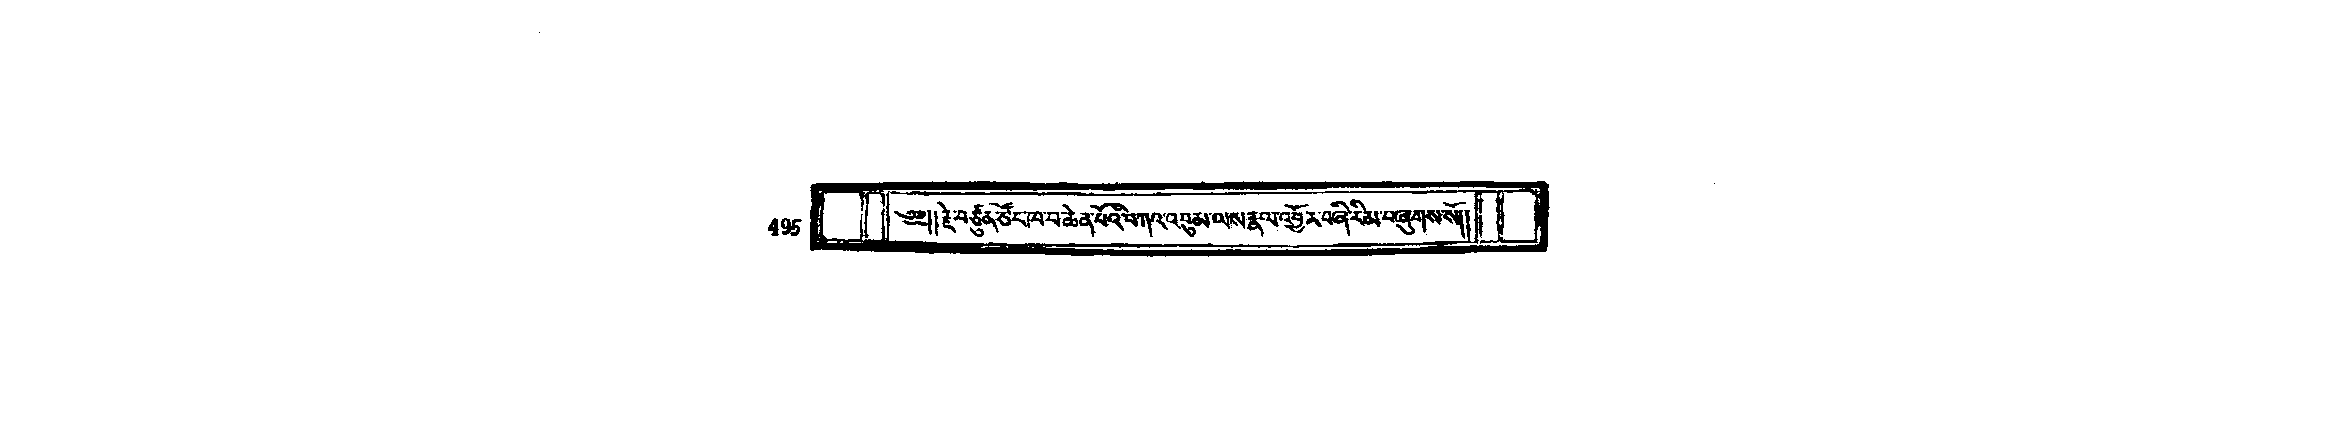༄༅། །རྗེ་བཙུན་ཙོང་ཁ་པ་ཆེན་པོའི་བཀའ་འབུམ་ལས་རྣལ་འབྱོར་བཞི་རིམ་བཞུགས་སོ། །